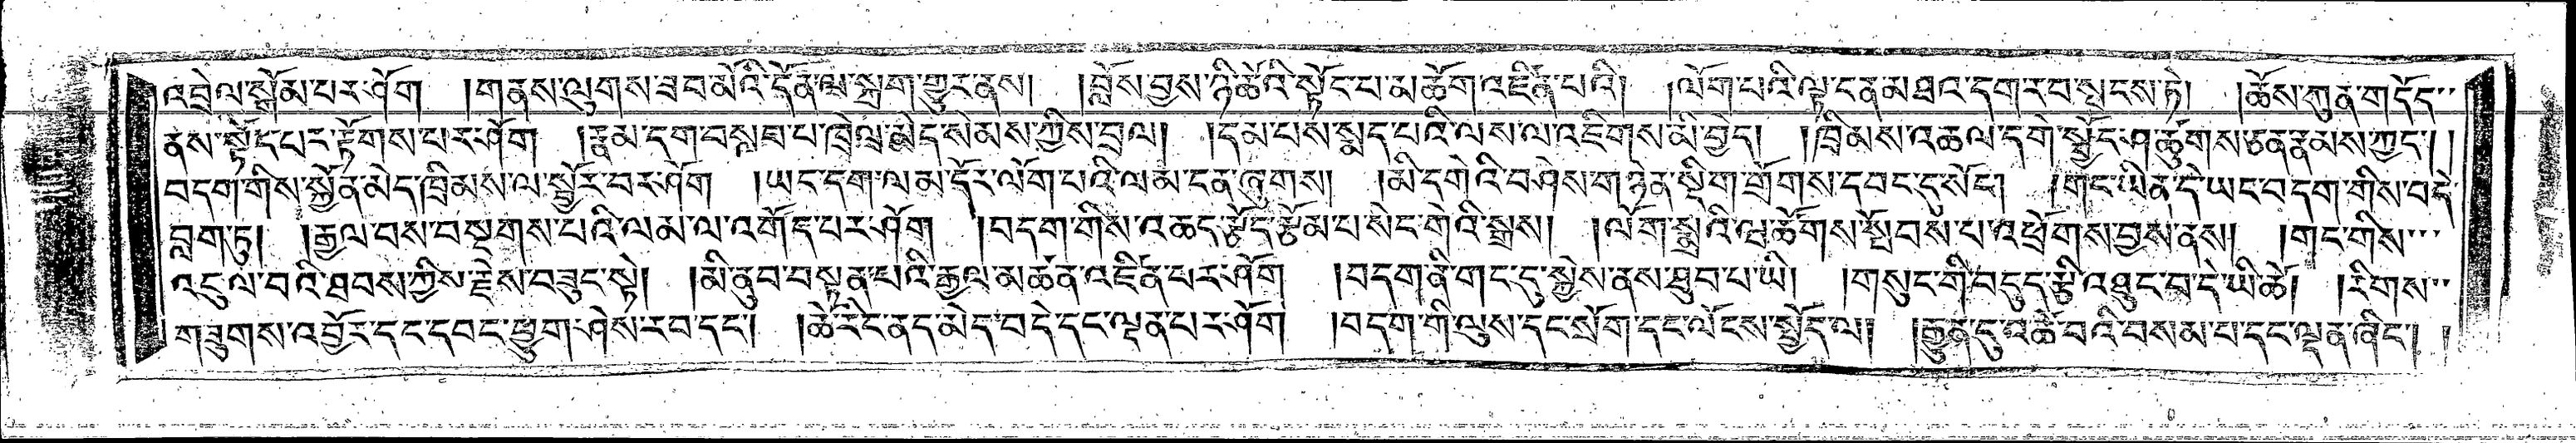འབྲེལ་སྒོམ་པར་ཤོག །གནས་ལུགས་ཟབ་མོའི་དོན་ལ་སྐྲག་གྱུར་ནས། །བློས་བྱས་ཉི་ཚེའི་སྟོང་པ་མཆོག་འཛིན་པའི། །ལོག་པའི་ལྟ་ངན་མཐའ་དག་རབ་སྤངས་ཏེ། །ཆོས་ཀུན་གདོད་
ནས་སྟོང་པར་རྟོགས་པར་ཤོག །རྣམ་དག་བསླབ་པ་ཁྲེལ་མེད་སེམས་ཀྱིས་བྲལ། །དམ་པས་སྨད་པའི་ལས་ལ་འཇིགས་མི་བྱེད། །ཁྲིམས་འཆལ་དགེ་སྦྱོང་ཤ་ཚུགས་ཅན་རྣམས་ཀྱང་། །
བདག་གིས་སྐྱོན་མེད་ཁྲིམས་ལ་སྦྱོར་བར་ཤོག །ཡང་དག་ལམ་དོར་ལོག་པའི་ལམ་ངན་ཞུགས། །མི་དགེའི་བཤེས་གཉེན་སྡིག་གྲོགས་དབང་དུ་སོང་། །གང་ཡིན་དེ་ཡང་བདག་གིས་བདེ་
བླག་ཏུ། །རྒྱལ་བས་བསྔགས་པའི་ལམ་ལ་འགོད་པར་ཤོག །བདག་གིས་འཆད་རྩོད་རྩོམ་པ་སེང་གེའི་སྒྲས། །ལོག་སྨྲའི་ཝ་ཚོགས་སྤོབས་པ་འཕྲོགས་བྱས་ནས། །གང་གིས་
འདུལ་བའི་ཐབས་ཀྱིས་རྗེས་བཟུང་སྟེ། །མི་ནུབ་བསྟན་པའི་རྒྱལ་མཚན་འཛིན་པར་ཤོག །བདག་ནི་གང་དུ་སྐྱེས་ནས་ཐུབ་པ་ཡི། །གསུང་གི་བདུད་རྩི་འཐུང་བ་དེ་ཡི་ཚེ། །རིགས་
གཟུགས་འབྱོར་དང་དབང་ཕྱུག་ཤེས་རབ་དང་། །ཚེ་རིང་ནད་མེད་བདེ་དང་ལྡན་པར་ཤོག །བདག་གི་ལུས་དང་སྲོག་དང་ལོངས་སྤྱོད་ལ། །རྒྱུན་དུ་འཚེ་བའི་བསམ་པ་དང་ལྡན་ཞིང་། །